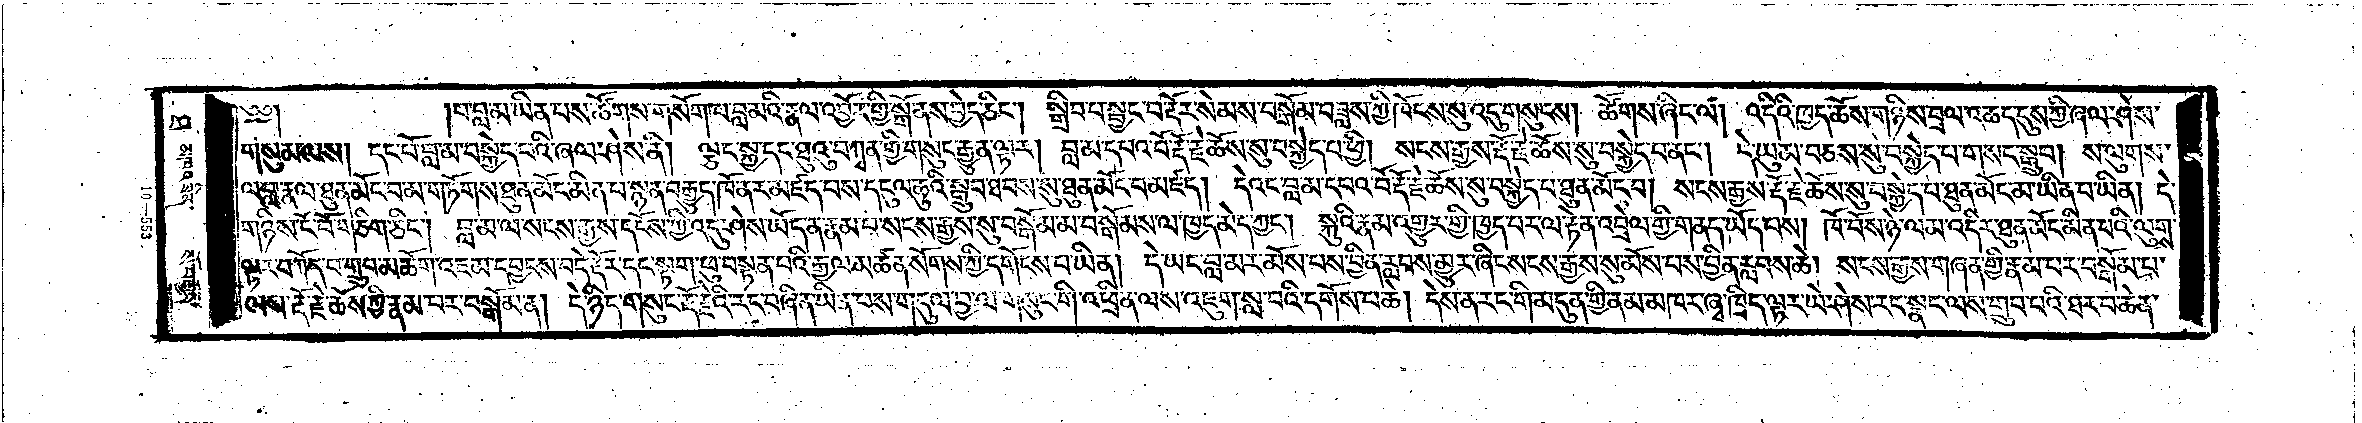༄༅། །པ་བླ་མ་ཡིན་པས་ཚོགས་གསོག་པ་བླ་མའི་རྣལ་འབྱོར་གྱི་སྒོ་ནས་བྱེད་ཅིང་། སྒྲིབ་པ་སྦྱང་བ་རྡོར་སེམས་བསྒོམ་བཟླས་ཀྱི་ཁོངས་སུ་འདུ་གསུངས། ཚོགས་ཞིང་ལ། འདིའི་ཁྱད་ཆོས་གཉིས་བྲལ་འཆད་དུས་ཀྱི་ཞལ་ཤེས་
གསུམ་ལས། དང་པོ་བླ་མ་བསྐྱེད་པའི་ཞལ་ཤེས་ནི། ལྕང་སྐྱ་དང་ཐུའུ་བཀྭན་གྱི་གསུང་རྒྱུན་ལྟར། བླ་མ་དཔའ་བོ་རྡོ་རྗེ་ཆོས་སུ་བསྐྱེད་པ་ཕྱི། སངས་རྒྱས་རྡོ་རྗེ་ཆོས་སུ་བསྐྱེད་པ་ནང་། དེ་ཡུམ་བཅས་སུ་བསྐྱེད་པ་གསང་སྒྲུབ། ས་ལུགས་
ལ་བླ་རྣལ་ཐུན་མོང་བ་མ་གཏོགས་ཐུན་མོང་མིན་པ་སྙན་བརྒྱུད་ཁོ་ནར་མཛད་པས་དངུལ་ཆུའི་སྒྲུབ་ཐབས་སུ་ཐུན་མོང་བ་མཛད། དེའང་བླ་མ་དཔའ་བོ་རྡོ་རྗེ་ཆོས་སུ་བསྐྱེད་པ་ཐུན་མོང་བ། སངས་རྒྱས་རྡོ་རྗེ་ཆོས་སུ་བསྐྱེད་པ་ཐུན་མོང་མ་ཡིན་པ་ཡིན། དེ་
གཉིས་ངོ་བོ་གཅིག་ཅིང་། བླ་མ་ལ་སངས་རྒྱས་དངོས་ཀྱི་འདུ་ཤེས་ཡོད་ན་རྣམ་པ་སངས་རྒྱས་སུ་བསྒོམ་མ་བསྒོམས་ལ་ཁྱད་མེད་ཀྱང་། སྐུའི་རྣམ་འགྱུར་གྱི་ཁྱད་པར་ལ་རྟེན་འབྲེལ་གྱི་གནད་ཡོད་པས། ཁོ་བོས་ཉེ་ལམ་འདིར་ཐུན་མོང་མིན་པའི་ལུགས་
ལྟར་བཀོད་པ་གྲུབ་མཆོག་འཇམ་དབྱངས་བདེ་རྡོར་དང་སྟག་ཕུ་བསྟན་པའི་རྒྱལ་མཚན་སོགས་ཀྱི་དགོངས་པ་ཡིན། དེ་ཡང་བླ་མར་མོས་པས་བྱིན་རླབས་མྱུར་ཞིང་སངས་རྒྱས་སུ་མོས་པས་བྱིན་རླབས་ཆེ། སངས་རྒྱས་གཞན་གྱི་རྣམ་པར་བསྒོམ་པ་
ལས་རྡོ་རྗེ་ཆོས་ཀྱི་རྣམ་པར་བསྒོམ་ན། དེ་ཉིད་གསུང་རྡོ་རྗེའི་རང་བཞིན་ཡིན་པས་གདུལ་བྱ་ལ་གསུང་གི་འཕྲིན་ལས་འཇུག་སླ་བའི་དགོས་པ་ཆེ། དེས་ན་རང་གི་མདུན་གྱི་ནམ་མཁར་ཞྭ་ཁྲིད་ལྟར་ཡེ་ཤེས་རང་སྣང་ལས་གྲུབ་པའི་ཐར་པ་ཆེན་